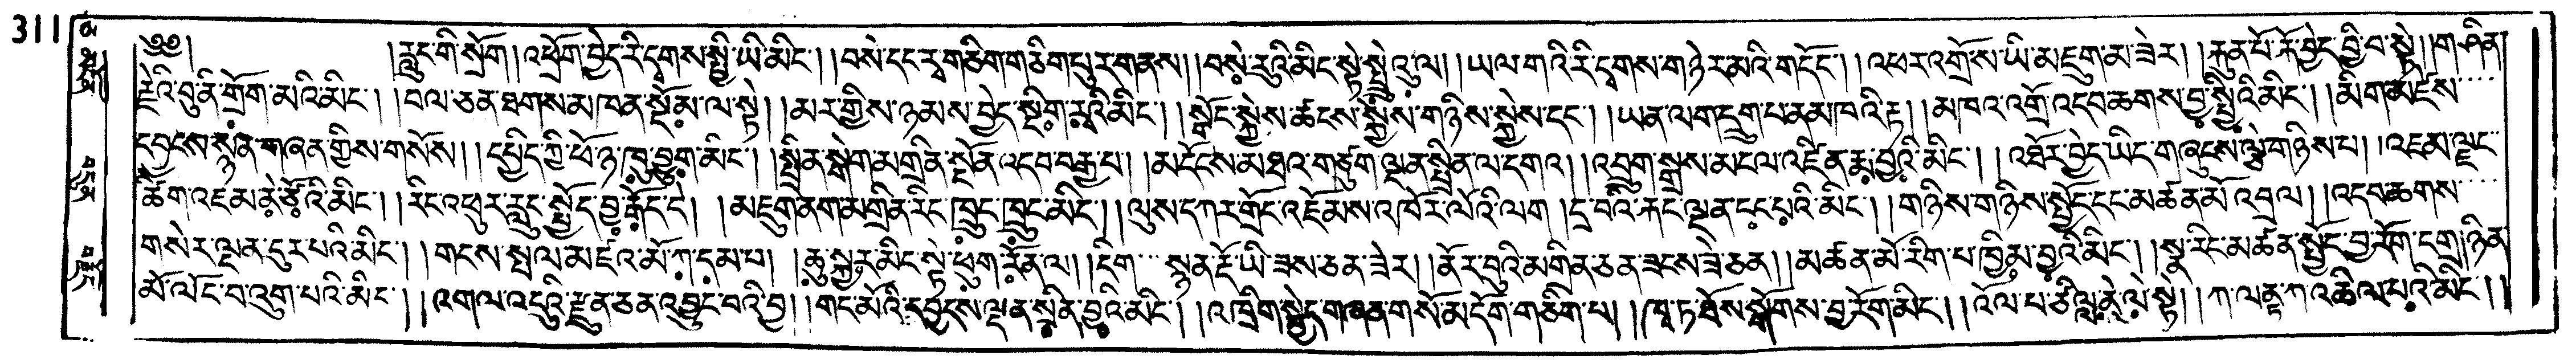༄༅། །རླུང་གི་སྲོག། འཕྲོག་བྱེད་རི་དྭགས་སྤྱི་ཡི་མིང་། །བསེ་དང་རྭ་གཅིག་གཅིག་པུར་གནས། །བསེ྾་རུའི་མིང་སྟེ་སྤྲཻའུ་ལ། །ཡལ་གའི་རི་དྭགས་གཉེར་མའི་གདོང་། །འཕར་འགྲོ་ས་ཡི་མཇུག་མ་ཟེར། །རྐུན་པོ་རྐོ་བྱེད་བྱི་བ་སྟེ། །གཤིན་
རྗེའི་བུ་ནི་གྲོག་མའི་མིང་། །བལ་ཅན་ཐགས་མཁན་སྡོམ྾་ལ་སྟེ། །མར་གྱིས་ཉམས་བྱེད་སྡིག྾་རྭའི་མིང་། །སྒོང་སྐྱེས་ཚལ་སྐྱེས་གཉིས་སྐྱེས་དང་། །ཡན་ལག་དྲུག་པ་ནམཁའི་རྟ། །མཁའ་འགྲོ་འདབ་ཆགས་བྱ྾་སྤྱིའི྾་མིང་། །མིག་མཛེས་
དབྱངས་སྙན་གཞན་གྱིས་གསོས། །དཔྱིད་ཀྱི་ཕོ་ཉ་ཁུ྾་བྱུག྾་མིང་། །སྤྲིན་སྒེག་མགྲིན་སྔོན་འདབ་བརྒྱ་པ། །མདོངས་མཐའ་གཙུག་ལྡན་སྤྲིན་ལ་དགའ། །འབྲུག་སྒྲས་མངལ་འཛིན་རྨ྾་བྱའི྾་མིང་། །འཐོར་བྱེད་ཡིད་གཞུངས་ལྕེ་གཉིས་པ། །འཇམ་ལྗང་
ཚིག་འཇམ་ནེ྾་ཙོའི྾་མིང་། །རིང་འཕུར་རླུང་སྤྱོད་བྱ྾་རྒོད྾་དེ། །མཇུག་ནག་མགྲིན་རིང་ཁྲུང་ཁྲུང་མིང་། །ལུས་དཀར་གྲོང་འཇོམས་འཁོར་ལོའི་ལག །དྲ་བའི་རྐང་ལྡན་ངང྾་པའི྾་མིང་། །གཉིས་གཉིས་སྤྱོད་དང་མཚན་མོ་འབྲལ། །འདབ་ཆགས་
གསེར་ལྡན་དུར྾་པའི་མིང་། །གངས་སྤལ་མཛའ་མོ་ཀ྾་དམ྾་པ། །ཆུ྾་སྐྱར྾་མིང་སྟེ་ཕུག་རོན྾་ལ། །དིག་་་སྙན་རྡོ་ཡི་ཟས་ཅན་ཟེར། །ནོར་བུའི་མགྲིན་ཅན་ཟངས་ཟེ་ཅན། །མྶན་མོ་རིག་པ་ཁྱིམ྾་བྱའི྾་མིང་། །སྣ་རིང་མཚན་སྤྱོད་བྱ་རོག་དགྲ། ཉིན་
མོ་ལོང་བ་འུག྾་པའི྾་མིང་། །འགལ་འདུའི་རྫུན་ཅན་འབྱུང་བའི་བྱ། །གང་མོའི་དབྱངས་ལྡན་སྲིན྾་བྱའི྾་མིང་། །འཁྲིག་སྦྱེད་གཞན་གསོ་མདོག་གཅིག་པ། །ཁྭ་ཏ་ཐོས་སྒོགས་བྱ་རོག་མིང་། །འོལ་པ་རྩིལླ་ནE་ལེ྾་སྟེ། །ཀ་ལནྟ་ཀའི་འཆིལ་པའི་མིང་། །